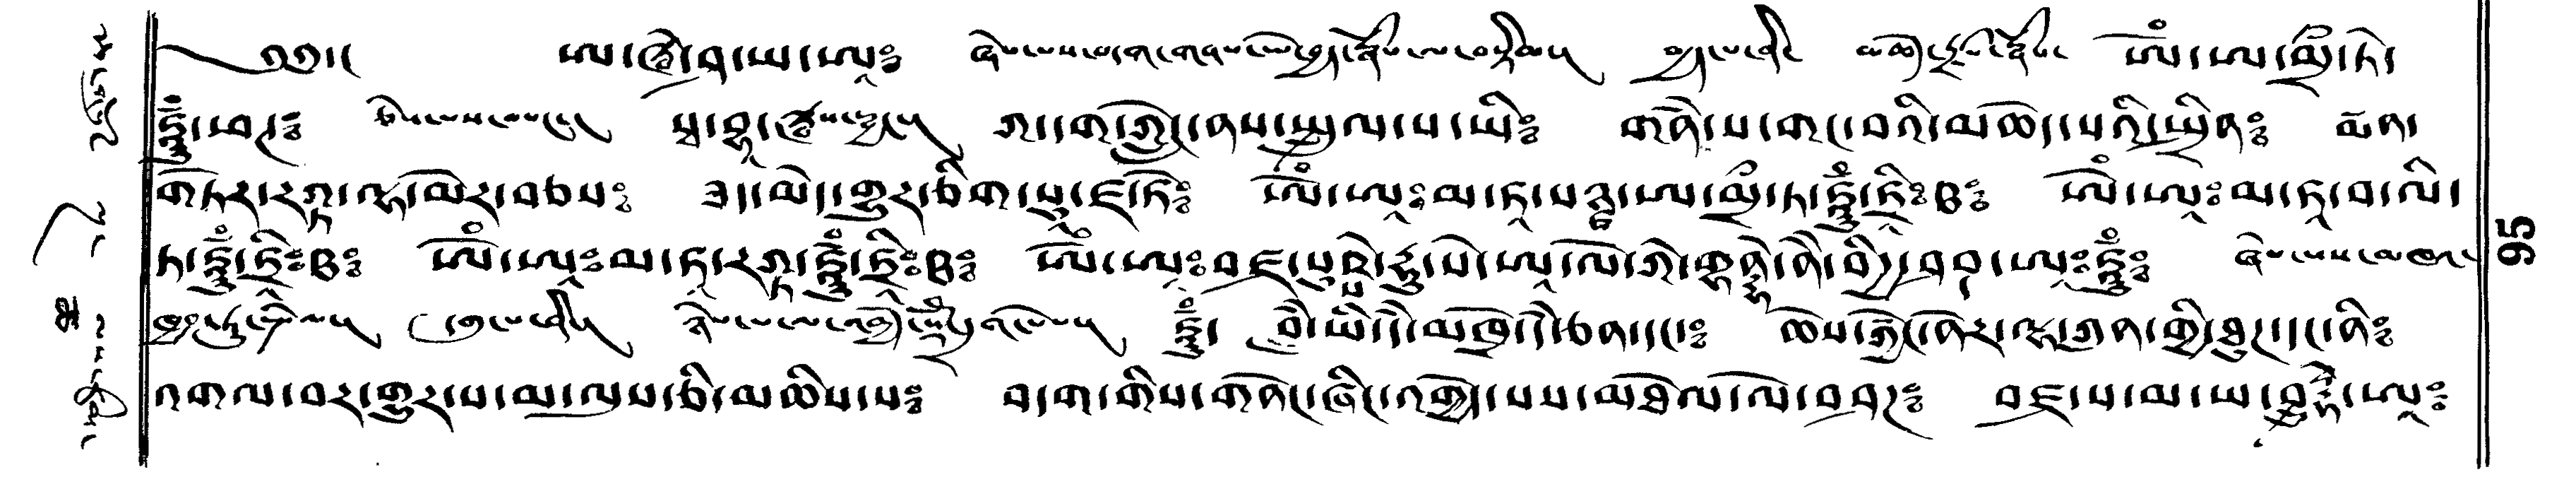ཨ་ཝེ་ཤ་ཡ་ཨཱཿ ཞེས་པས་བདག་གནས་ཡོ་བྱད་རྣམས་ལ་བསྟིམ། བརྒྱད་པ་ནི། མཆོད་རྫས་རྣམས། ཨོཾ་ཨ་མྲྀ་ཏེ་
ཧཱུྃ་ཕཊཿ ཅེས་པས་བསང་། སྭ་བྷཱ་ཝ ས་སྦྱང་། ཀ་དག་ཀློང་ནས་སྤྲུལ་པ་ཡི༔ གནམ་ས་གང་བའི་མཆོད་པའི་སྤྲིན༔ སྨན་
གཏོར་རཀྟ་ལྷ་མོར་བཅས༔ ཟད་མེད་གྱུར་ཅིག་པཱུ་ཛ་ཧོཿ ཨོཾ་ཨཱཿམ་ཧཱ་པཉྩ་ཨ་མྲྀ་ཏ་ཧཱུྃ་ཧྲཱིཿཋ༔ཨོཾ་ཨཱཿམ་ཧཱ་བ་ལིཾ་
ཏ་ཧཱུྃ་ཧྲཱིཿཋ༔ ཨོཾ་ཨཱཿམ་ཧཱ་རཀྟ་ཧཱུྃ་ཧྲཱིཿཋ༔ ཨོཾ་ཨཱཿབཛྲ་པུཥྤེ་དྷུ་པེ་ཨཱ་ལོ་ཀེ་གྷནྡྷེ་ནཻ་ཝིདྱ་ཤབྡ་ཨཱཿཧཱུྃ༔ ཞེས་པས་མཁའ་
ཁྱབ་ཏུ་སྤེལ། དགུ་པ་ནི། ཉེས་པ་ལ་འགྱོད་སྡོམ་དྲག་པོས། ཧཱུྃ༔ བླ་མ་ཡི་དམ་མཁའ་འགྲོ་དམ་ཅན་དང༔ ཆོས་སྐྱོང་ནོར་ལྷ་ཀུན་གྱི་ཐུགས་དང་ནི༔ 
འགལ་བར་གྱུར་པ་མ་ལུས་ཅི་མཆིས་པ༔ བདག་གིས་གནོང་ཞིང་འགྱོད་པས་མཐོལ་ལོ་བཤགས༔ བཛྲ་ས་མ་ཡ་ཤུདྡྷེ་ཨཱཿ